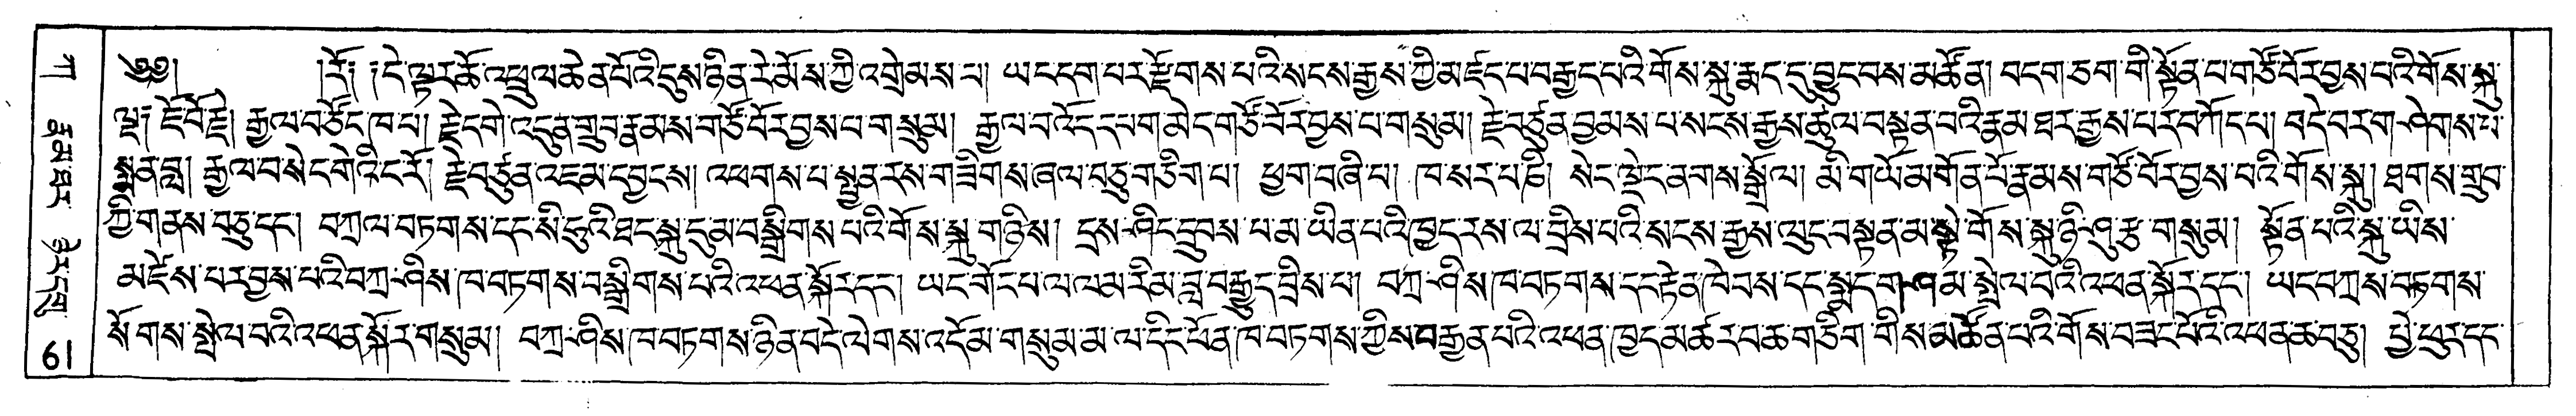༄༅། །ཅན། ཕྱག་གཡོན་པས་ཡབ་ཀྱི་མགུལ་ནས་འཁྱུད་ཅིང་ཐོད་པ་བདུད་བཞི་ལ་སོགས་པའི་ཁྲག་གིས་གང་བ་བསྣམས་ནས་ཡབ་ཀྱི་ཞལ་དུ་སྟོབ་པ། གཡས་པས་ཕྱོགས་བཅུའི་གདུག་པ་ཅན་ཀུན་ལ་
རྡོ་རྗེ་དང་བཅས་པའི་སྡིགས་མཛུབ་ཀྱིས་བསྡིགས་པར་མཛད་པ། ཀལྤ་འཇིག་པའི་དུས་ཀྱི་མེ་ལྟ་བུ། ཉི་མའི་འོད་ཅན་གྱི་གཟི་བརྗིད་འབར་བ། ཁྲག་ལ་དགྱེས་ཤིང་ཁྲག་འཛགས། བྱིན་པ་གཉིས་ཀྱིས་ཡབ་ཀྱི་བརླའི་སྟེང་དུ་
ལེགས་པར་འཁྲིལ་པ། ཐུགས་རྗེའི་བདག་ཉིད་ཅན། ཕྱག་རྒྱ་ལྔས་བརྒྱན་པ། མི་མགོ་སྐམ་པོ་ལྔའི་དབུ་རྒྱན་དང་། སྐམ་པོ་ལྔ་བཅུའི་དོ་ཤལ་ཅན། པདམའི་འདབ་མ་ལ་ཤར་དུ་མཁའ་འགྲོ་མ་ནག་མོ། བྱང་དུ་ལཱ་མ་ལྗང་གུ །ནུབ་
ཏུ་ཁཎྜ་རོ་ཧེ་དམར་མོ། ལྷོར་གཟུགས་ཅན་མ་སེར་མོ། ཐམས་ཅད་ཀྱང་ཞལ་གཅིག་པ་སྤྱན་གསུམ་པ། གཅེར་མོ་སྐྲ་གྲོལ་བ། ཕྱག་བཞིའི་གཡས་གཉིས་གྲི་གུག་དང་ཌཱ་མ་རུ། གཡོན་གཉིས་ཐོད་པ་དང་ཁ་ཊྭཱཾ་ག་འཛིན་ཞིང་།
གཡས་བརྐྱངས་ཀྱིས་བཞུགས་པ། མཚམས་བཞིར་བདུད་རྩི་ལྔས་གང་བའི་ཐོད་པ་བཞི་སྟེ་བདེ་ཆེན་འཁོར་ལོ། ཐུགས་ཀྱི་འཁོར་ལོའི་ཤར་གྱི་རྩིབས་ལ་ཁཎྜ་ཀ་པཱ་ལ་དང་རབ་གཏུམ་མ། བྱང་དུ་མཧཱ་ཀངྐཱལ་དང་གཏུམ་
མིག་མ། ནུབ་ཏུ་ཀངྐཱ་ལ་དང་འོད་ལྡན་མ། ལྷོར་མཆེ་བ་རྣམ་པར་གཙིགས་པ་དང་སྣ་ཆེན་མ། མེར་སུ་རཱ་པཻ་རཱིཎ་དང་དཔའ་བོའི་བློ་ཅན་མ། བདེན་བྲལ་དུ་འོད་དཔག་མེད་དང་ཁརྦ་རཱི། རླུང་དུ་རྡོ་རྗེའི་འོད་དང་ལངྐའི་དབང་ཕྱུག་མ།